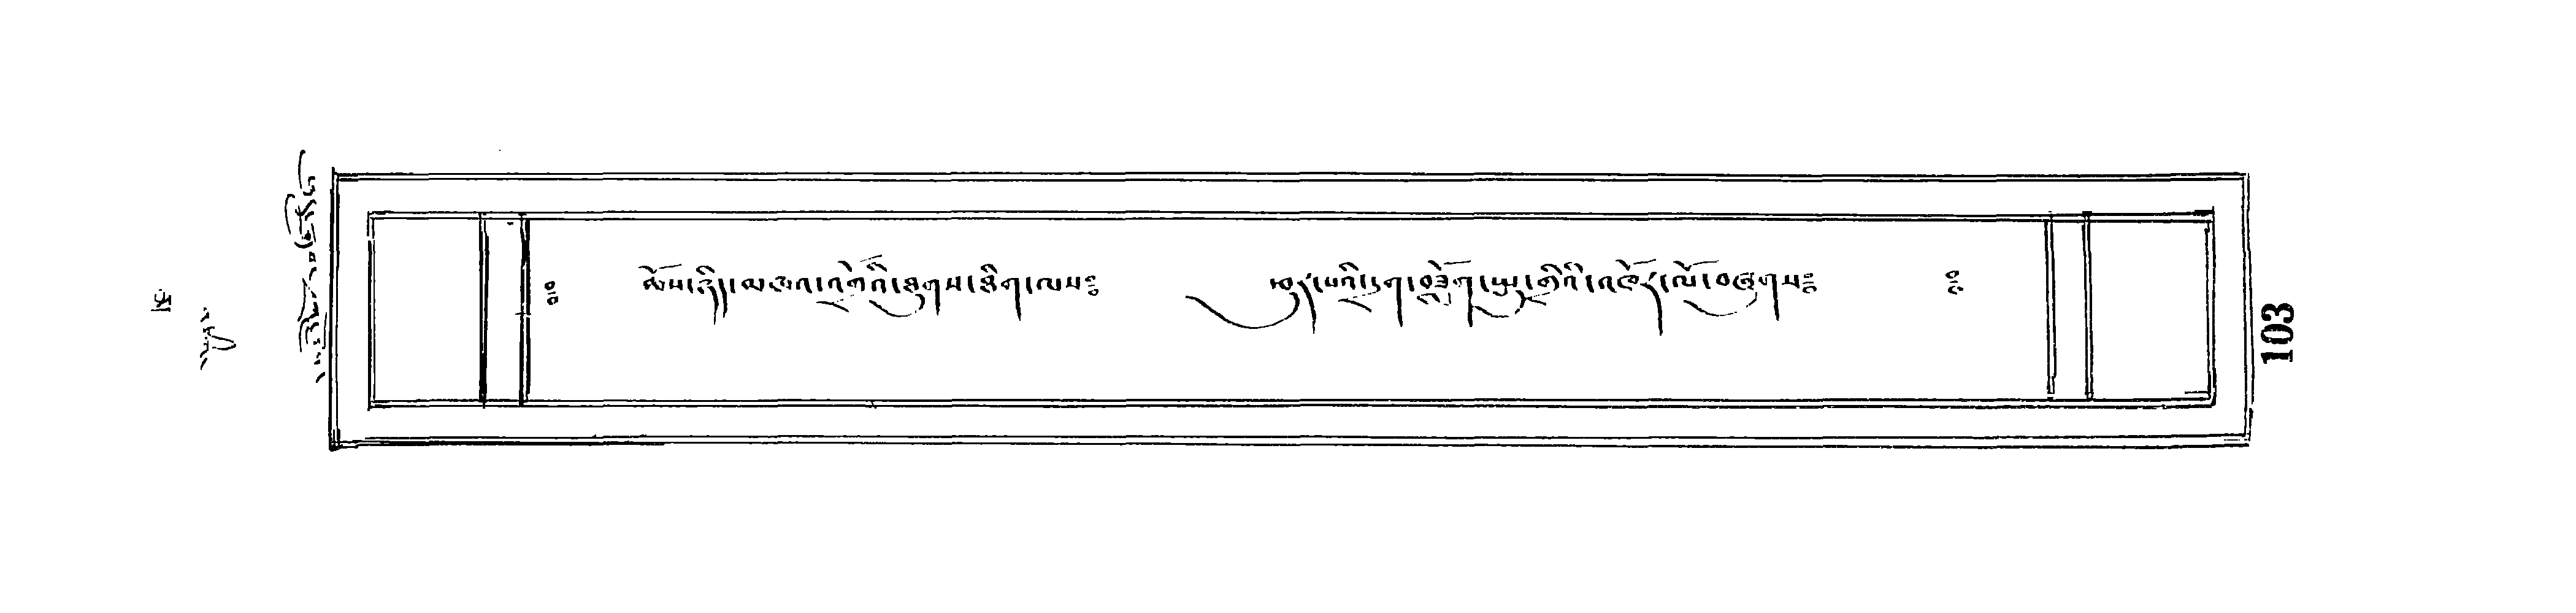ཆོས་ཉིད་མཁའ་འགྲོའི་ཐུགས་ཐིག་ལས༔ ཕུར་པའི་དྲག་བཟློག་སྤུ་གྲིའི་འཁོར་ལོ་བཞུགས༔